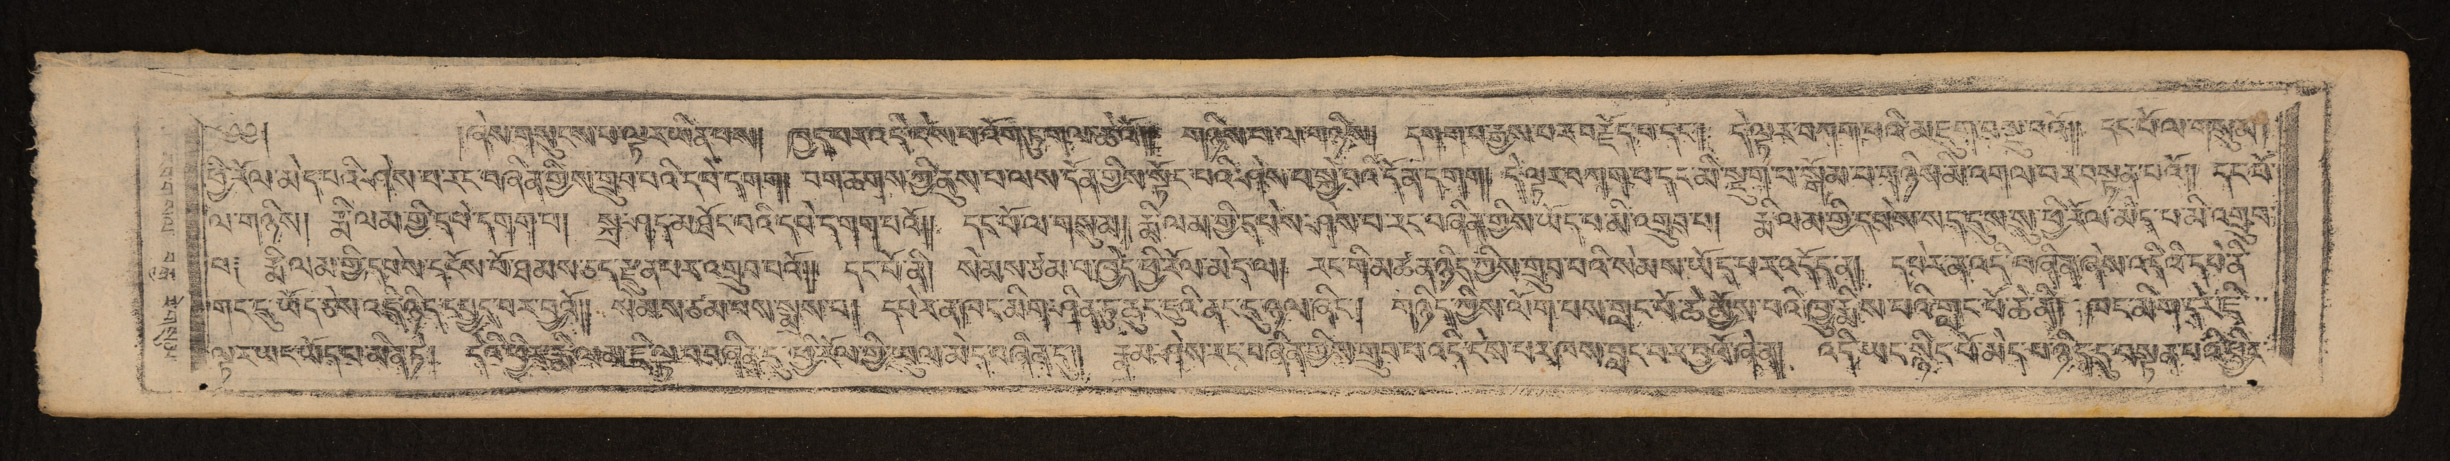༄༅། །ཞེས་གསུངས་པ་ལྟར་ཡིན་པས། ཁྱད་པར་འདི་ངེས་པ་འོག་ཏུ་གལ་ཆེའོ།། གཉིས་པ་ལ་གཉིས། དགག་པ་རྒྱས་པར་བརྗོད་པ་དང་། དེ་ལྟར་བཀག་པའི་མཇུག་བསྡུ་བའོ།། དང་པོ་ལ་གསུམ།
ཕྱི་རོལ་མེད་པའི་ཤེས་པ་རང་བཞིན་གྱིས་གྲུབ་པའི་དཔེ་དགག། བག་ཆགས་ཀྱི་ནུས་པ་ལས་དོན་གྱིས་སྟོང་པའི་ཤེས་པ་སྐྱེ་བའི་དོན་དགག། དེ་ལྟར་བཀག་པ་དང་མི་སྡུག་པ་སྒོམ་པ་གཉིས་མི་འགལ་བར་བསྟན་པའོ།། དང་པོ་
ལ་གཉིས། རྨི་ལམ་གྱི་དཔེ་དགག་པ། སྐྲ་ཤད་མཐོང་བའི་དཔེ་དགག་པའོ།། དང་པོ་ལ་གསུམ། རྨི་ལམ་གྱི་དཔེས་ཤེས་པ་རང་བཞིན་གྱིས་ཡོད་པ་མི་འགྲུབ་པ། རྨིན་ལམ་གྱི་དཔེས་སད་དུས་སུ་ཕྱི་རོལ་མེད་པ་མི་འགྲུབ་
པ༑ རྨི་ལམ་གྱི་དཔེས་དངོས་པོ་ཐམས་ཅད་རྫུན་པར་འགྲུབ་པའོ།། དང་པོ་ནི། སེམས་ཙམ་པ་ཁྱེད་ཕྱི་རོལ་མེད་ལ། རང་གི་མཚན་ཉིད་ཀྱིས་གྲུབ་པའི་སེམས་ཡོད་པར་འདོད་ན། དཔེར་ན་འདི་བཞིན་ཞེས་འདིའི་དཔེ་ནི་
གང་དུ་ཡོད་ཅེས་འདི་ཉིད་དཔྱད་པར་བྱའོ།། སེམས་ཙམ་པས་སྨྲས་པ། དཔེར་ན་ཁང་མིག་ཤིན་ཏུ་ཆུང་ངུའི་ནང་དུ་ཉལ་ཞིང་། གཉིད་ཀྱིས་ལོག་པས་གླང་པོ་ཆེ་མྱོས་པའི་ཁྱུ་རྨིས་པའི་གླང་པོ་ཆེ་ནི། ཁང་མིག་དེར་ཇི་
ལྟར་ཡང་ཡོད་པ་མིན་ཏེ། དེའི་ཕྱིར་རྨི་ལམ་ཇི་ལྟ་བ་བཞིན་དུ་ཕྱི་རོལ་གྱི་ཡུལ་མེད་བཞིན་དུ། རྣམ་ཤེས་རང་བཞིན་གྱིས་གྲུབ་པ་འདི་ངེས་པར་ཁས་བླང་བར་བྱའོ་ཞེ་ན། འདི་ཡང་སྙིང་པོ་མེད་པ་ཉིད་དུ་བསྟན་པའི་ཕྱིར་